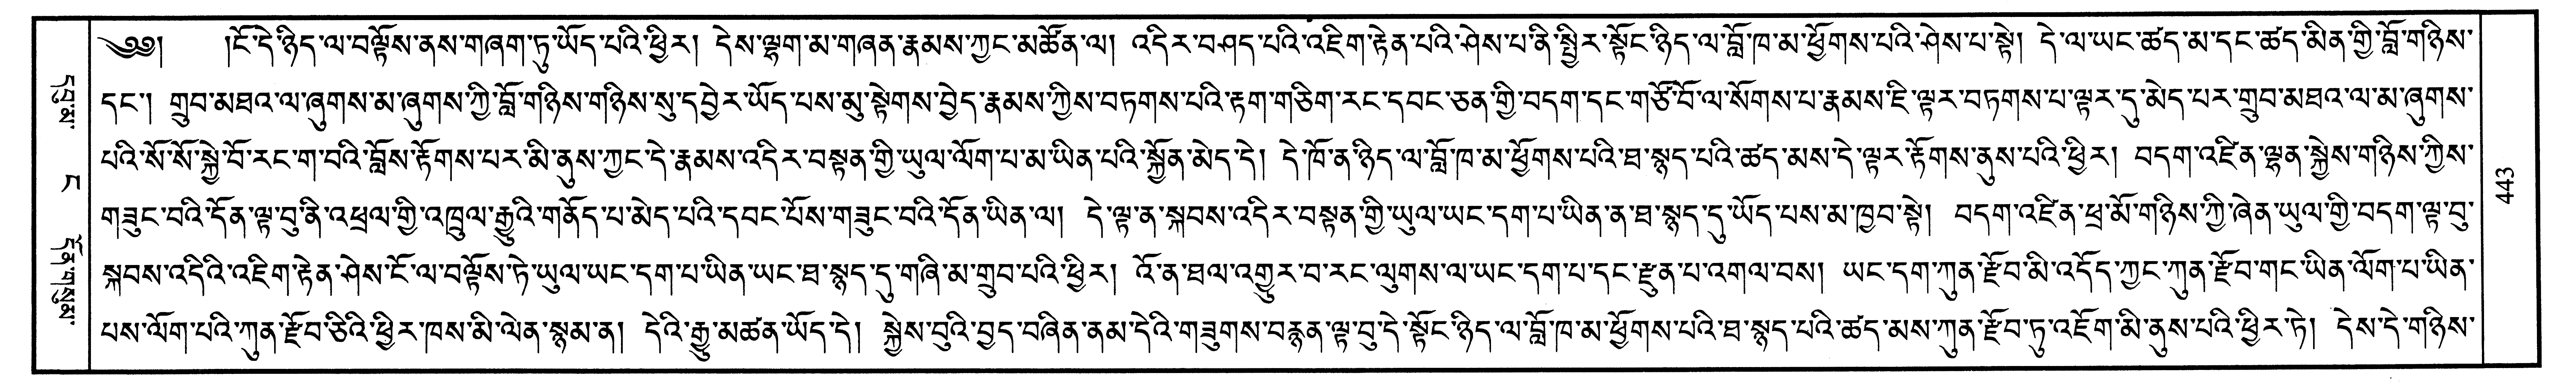༄༅། །ངོ་དེ་ཉིད་ལ་བལྟོས་ནས་གཞག་ཏུ་ཡོད་པའི་ཕྱིར། དེས་ལྷག་མ་གཞན་རྣམས་ཀྱང་མཚོན་ལ། འདིར་བཤད་པའི་འཇིག་རྟེན་པའི་ཤེས་པ་ནི་སྤྱིར་སྟོང་ཉིད་ལ་བློ་ཁ་མ་ཕྱོགས་པའི་ཤེས་པ་སྟེ། དེ་ལ་ཡང་ཚད་མ་དང་ཚད་མིན་གྱི་བློ་གཉིས་
དང་། གྲུབ་མཐའ་ལ་ཞུགས་མ་ཞུགས་ཀྱི་བློ་གཉིས་གཉིས་སུ་དབྱེར་ཡོད་པས་མུ་སྟེགས་བྱེད་རྣམས་ཀྱིས་བཏགས་པའི་རྟག་གཅིག་རང་དབང་ཅན་གྱི་བདག་དང་གཙོ་བོ་ལ་སོགས་པ་རྣམས་ཇི་ལྟར་བཏགས་པ་ལྟར་དུ་མེད་པར་གྲུབ་མཐའ་ལ་མ་ཞུགས་
པའི་སོ་སོ་སྐྱེ་བོ་རང་ག་བའི་བློས་རྟོགས་པར་མི་ནུས་ཀྱང་དེ་རྣམས་འདིར་བསྟན་གྱི་ཡུལ་ལོག་པ་མ་ཡིན་པའི་སྐྱོན་མེད་དེ། དེ་ཁོ་ན་ཉིད་ལ་བློ་ཁ་མ་ཕྱོགས་པའི་ཐ་སྙད་པའི་ཚད་མས་དེ་ལྟར་རྟོགས་ནུས་པའི་ཕྱིར། བདག་འཛིན་ལྷན་སྐྱེས་གཉིས་ཀྱིས་གཟུང་བའི་དོན་ལྟ་བུ་ནི་འཕྲལ་གྱི་འཁྲུལ་རྒྱུའི་གནོད་པ་མེད་པའི་དབང་པོས་གཟུང་བའི་དོན་ཡིན་ལ། དེ་ལྟ་ན་སྐབས་འདིར་བསྟན་གྱི་ཡུལ་ཡང་དག་པ་ཡིན་ན་ཐ་སྙད་དུ་ཡོད་པས་མ་ཁྱབ་སྟེ། བདག་འཛིན་ཕྲ་མོ་གཉིས་ཀྱི་ཞེན་ཡུལ་གྱི་བདག་ལྟ་བུ་
སྐབས་འདིའི་འཇིག་རྟེན་ཤེས་ངོ་ལ་བལྟོས་ཏེ་ཡུལ་ཡང་དག་པ་ཡིན་ཡང་ཐ་སྙད་དུ་གཞི་མ་གྲུབ་པའི་ཕྱིར། འོ་ན་ཐལ་འགྱུར་བ་རང་ལུགས་ལ་ཡང་དག་པ་དང་རྫུན་པ་འགལ་བས། ཡང་དག་ཀུན་རྫོབ་མི་འདོད་ཀྱང་ཀུན་རྫོབ་གང་ཡིན་ལོག་པ་ཡིན་
པས་ལོག་པའི་ཀུན་རྫོབ་ཅིའི་ཕྱིར་ཁས་མི་ལེན་སྙམ་ན། དེའི་རྒྱུ་མཚན་ཡོད་དེ། སྐྱེས་བུའི་བྱད་བཞིན་ནམ་དེའི་གཟུགས་བརྙན་ལྟ་བུ་དེ་སྟོང་ཉིད་ལ་བློ་ཁ་མ་ཕྱོགས་པའི་ཐ་སྙད་པའི་ཚད་མས་ཀུན་རྫོབ་ཏུ་འཇོག་མི་ནུས་པའི་ཕྱིར་ཏེ། དེས་དེ་གཉིས་